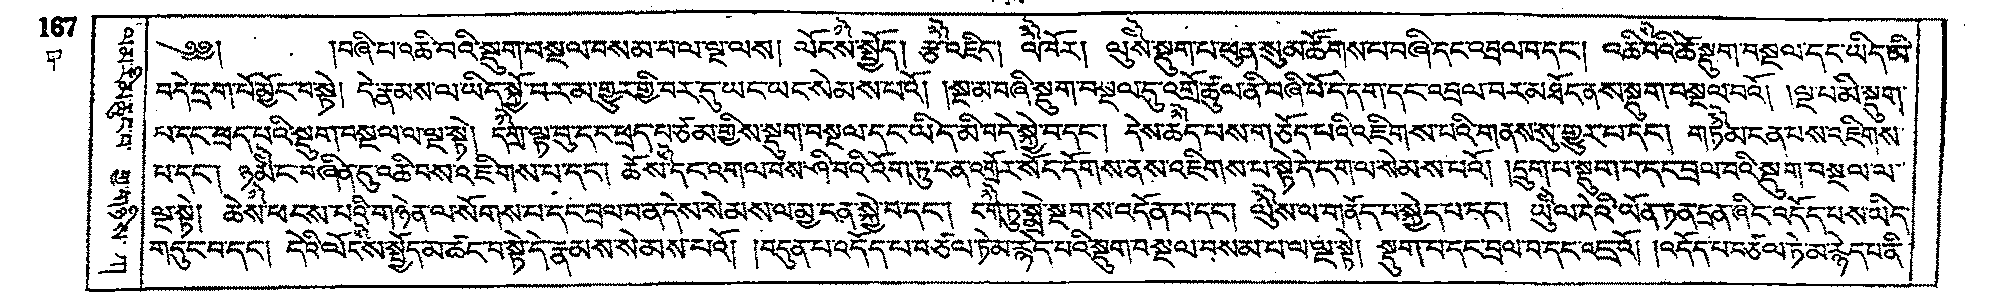༄༅། །བཞི་པ་འཆི་བའི་སྡུག་བསྔལ་བསམ་པ་ལ་ལྔ་ལས། ལོངས་སྤྱོད། རྩ་འཇིད། འཁོར། ལུས་སྡུག་པ་ཕུན་སུམ་ཚོགས་པ་བཞི་དང་འབྲལ་བ་དང་། འཆི་བའི་ཚེ་སྡུག་བསྔལ་དང་ཡིད་མི་
བདེ་དྲག་པོ་མྱོང་བ་སྟེ། དེ་རྣམས་ལ་ཡིད་སྐྱོ་བར་མ་གྱུར་གྱི་བར་དུ་ཡང་ཡང་སེམས་པའོ། །སྔ་མ་བཞི་སྡུག་བསྔལ་དུ་འགྲོ་ཚུལ་ནི་བཞི་པོ་དེ་དག་དང་འབྲལ་བར་མཐོང་ནས་སྡུག་བསྔལ་བའོ། །ལྔ་པ་མི་སྡུག་
པ་དང་ཕྲད་པའི་སྡུག་བསྔལ་ལ་ལྔ་སྟེ། དགྲ་ལྟ་བུ་དང་ཕྲད་པ་ཙམ་གྱིས་སྡུག་བསྔལ་དང་ཡིད་མི་བདེ་སྐྱེ་བ་དང་། དེས་ཆད་པས་གཅོད་པའི་འཇིགས་པའི་གནས་སུ་གྱུར་པ་དང་། གཏམ་ངན་པས་འཇིགས་
པ་དང་། ཉམ་ང་བཞིན་དུ་འཆི་བས་འཇིགས་པ་དང་། ཆོས་དང་འགལ་བས་ཤི་བའི་འོག་ཏུ་ངན་འགྲོར་སོང་དོགས་ནས་འཇིགས་པ་སྟེ་དེ་དག་ལ་སེམས་པའོ། །དྲུག་པ་སྡུག་པ་དང་བྲལ་བའི་སྡུག་བསྔལ་ལ་
ལྔ་སྟེ། ཆེས་ཕངས་པའི་གཉེན་ལ་སོགས་པ་དང་བྲལ་བ་ན་དེས་སེམས་ལ་མྱ་ངན་སྐྱེ་བ་དང་། དག་ཏུ་སྨྲེ་སྔགས་འདོན་པ་དང་། ལུས་ལ་གནོད་པ་སྐྱེད་པ་དང་། ཡུལ་དེའི་ཡོན་ཏན་དྲན་ཞིང་འདོད་པས་ཡིད་
གདུང་བ་དང་། དེའི་ལོངས་སྤྱོད་མ་ཚང་བ་སྟེ་དེ་རྣམས་སེམས་པའོ། །བདུན་པ་འདོད་པ་བཙལ་ཏེ་མ་རྙེད་པའི་སྡུག་བསྔལ་བསམ་པ་ལ་ལྔ་སྟེ། སྡུག་པ་དང་བྲལ་བ་དང་འདྲའོ། །འདོད་པ་བཙལ་ཏེ་མ་རྙེད་པ་ནི་